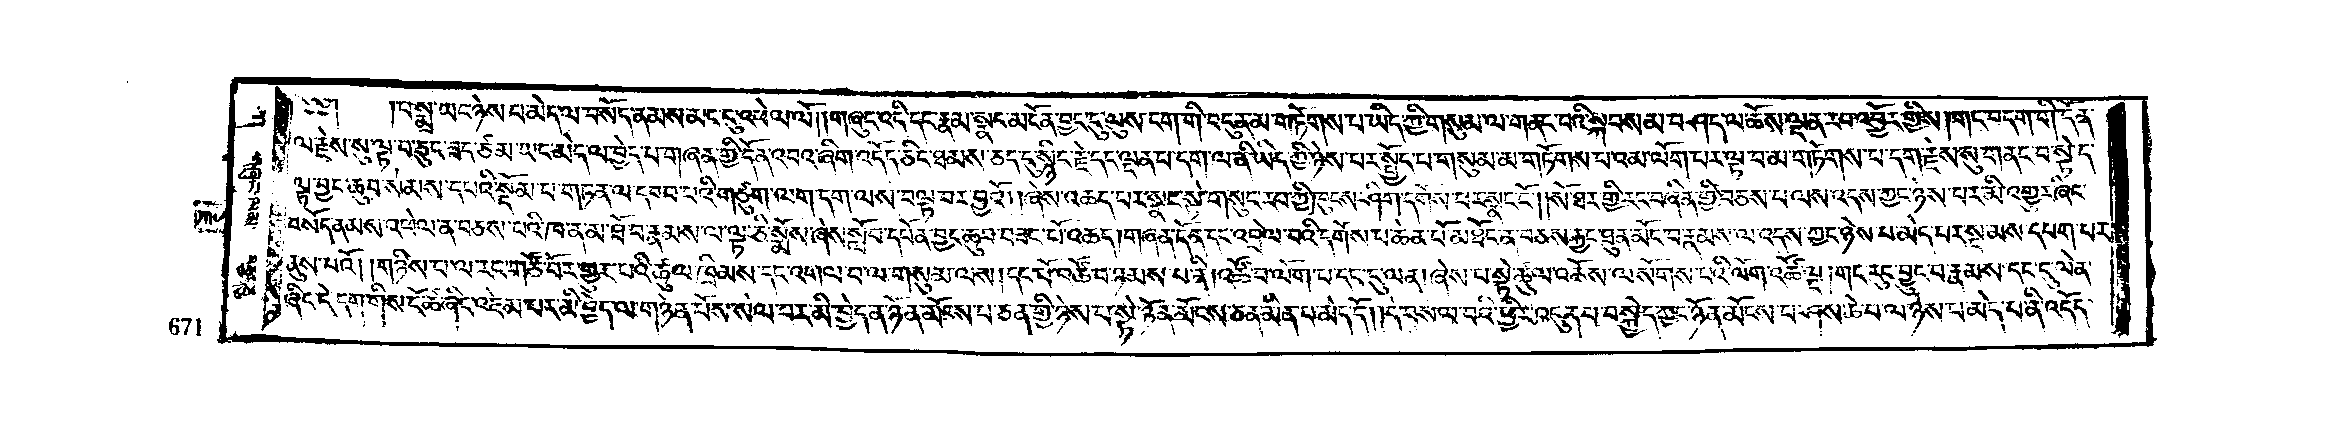༄༅། །པ་སྨྲ་ཡང་ཉེས་པ་མེད་ལ་བསོད་ནམས་མང་དུ་འཕེལ་ལོ། །གཞུང་འདི་དང་རྣམ་སྣང་མངོན་བྱང་དུ་ལུས་ངག་གི་བདུན་མ་གཏོགས་པ་ཡིད་ཀྱི་གསུམ་ལ་གནང་བའི་སྐབས་མ་བཤད་ལ་ཆོས་ལྡན་རབ་འབྱོར་གྱིས། གང་བདག་གི་དོན་
ལ་རྗེས་སུ་ལྟ་བ་ཅུང་ཟད་ཙམ་ཡང་མེད་ལ་བྱེད་པ་གཞན་གྱི་དོན་འབའ་ཞིག་འདོད་ཅིང་ཐམས་ཅད་དུ་སྙིང་རྗེ་དང་ལྡན་པ་དག་ལ་ནི་ཡིད་ཀྱི་ཉེས་པར་སྤྱོད་པ་གསུམ་མ་གཏོགས་པ་འམ་ལོག་པར་ལྟ་བ་མ་གཏོགས་པ་དག་རྗེས་སུ་གནང་བ་སྟེ་ད་
ལྟ་བྱང་ཆུབ་སེམས་དཔའི་སྡོམ་པ་གཏན་ལ་དབབ་པའི་གཙུག་ལག་དག་ལས་བལྟ་བར་བྱའོ། །ཞེས་འཆད་པར་སྣང་སྟེ་གསུང་རབ་ཀྱི་ཁུངས་ཤིག་དགོས་པར་སྣང་ངོ། །སོ་ཐར་གྱི་རང་བཞིན་གྱི་བཅས་པ་ལས་འདས་ཀྱང་ཉེས་པར་མི་འགྱུར་ཞིང་
བསོད་ནམས་འཕེལ་ན་བཅས་པའི་ཁ་ན་མ་ཐོ་བ་རྣམས་ལ་ལྟ་ཅི་སྨོས་ཞེས་སློབ་དཔོན་བྱང་ཆུབ་བཟང་པོ་འཆད། གཞན་དོན་དང་འབྲེལ་བའི་དགོས་པ་ཆེན་པོ་མཐོང་ན་བཅས་རྐྱང་ཐུན་མོང་བ་རྣམས་ལ་འདས་ཀྱང་ཉེས་པ་མེད་པར་སྔ་མས་དཔག་པར་
ནུས་པའོ། །གཉིས་པ་ལ་རང་གཙོ་བོར་གྱུར་བའི་ཚུལ་ཁྲིམས་དང་འགལ་བ་ལ་གསུམ་ལས། དང་པོ་འཚོ་བ་ཉམས་པ་ནི། འཚོ་བ་ལོག་པ་དང་དུ་ལན། ཞེས་པ་སྟེ་ཚུལ་འཆོས་ལ་སོགས་པའི་ལོག་འཚོ་ལྔ། གང་རུང་བྱུང་བ་རྣམས་དང་དུ་ལེན་
ཞིང་དེ་དག་གིས་ངོ་ཚ་ཞིང་འཇེམ་པར་མི་བྱེད་ལ་གཉེན་པོས་སེལ་བར་མི་བྱེད་ན་ཉོན་མོངས་པ་ཅན་གྱི་ཉེས་པ་སྟེ་ཉོན་མོངས་ཅན་མིན་པ་མེད་དོ། །དེ་བསལ་བའི་ཕྱིར་འདུན་པ་བསྐྱེད་ཀྱང་ཉོན་མོངས་པ་ཤས་ཆེ་བ་ལ་ཉེས་པ་མེད་པ་ནི་འདོད་